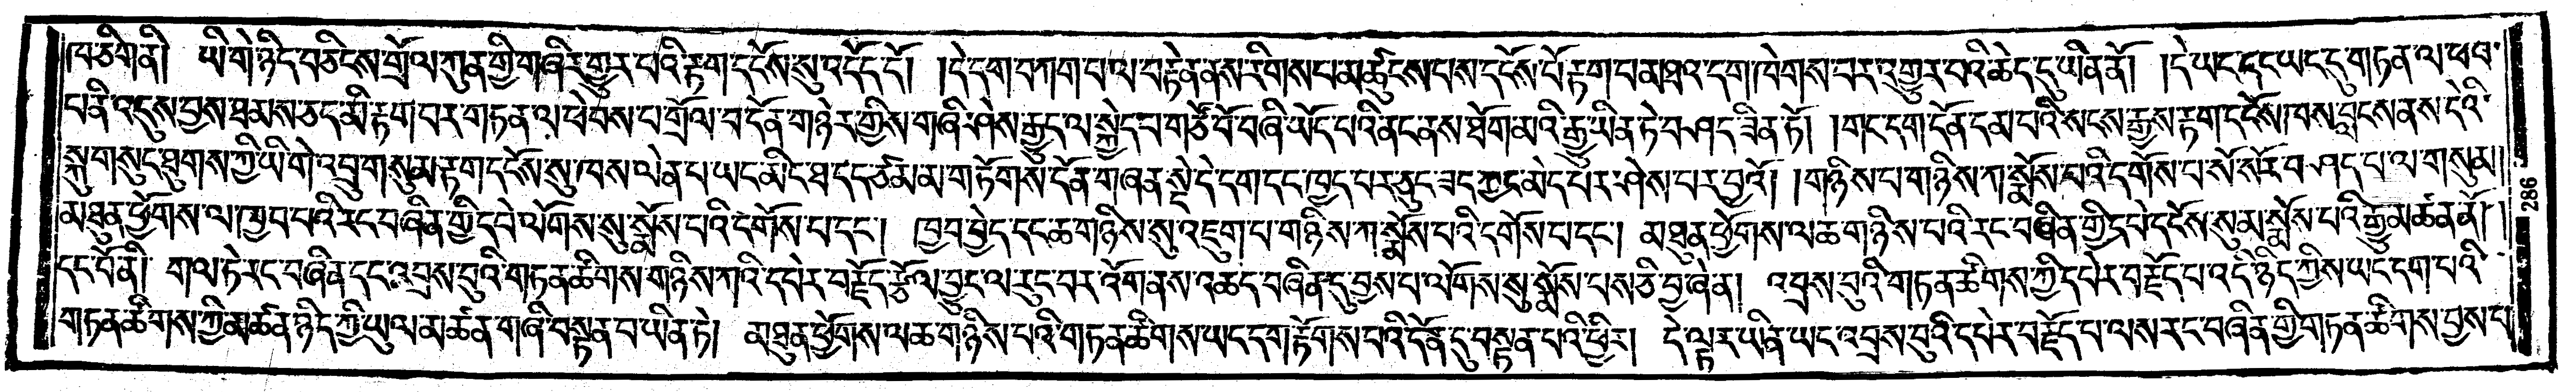ཁ་ཅིག་ནི། ཡི་གེ་ཉིད་བཅིངས་གྲོལ་ཀུན་གྱི་གཞིར་གྱུར་པའི་རྟག་དངོས་སུ་འདོད་དོ། །དེ་དག་བཀག་པ་ལ་བརྟེན་ནས་རིགས་པ་མཚུངས་པས་དངོས་པོ་རྟག་པ་མཐའ་དག་ཁེགས་པར་འགྱུར་བའི་ཆེད་དུ་ཡིན་ནོ། །དེ་ཡང་དང་ཡང་དུ་གཏན་ལ་ཕབ་
པ་ནི་འདུས་བྱས་ཐམས་ཅད་མི་རྟག་པར་གཏན་ལ་ཕེབས་པ་གྲོལ་བ་དོན་གཉེར་གྱིས་གཞི་ཤེས་རྒྱུད་ལ་སྐྱེད་པ་གཙོ་བོ་བྱི་ཡོད་པའི་ནང་ནས་ཐོག་མའི་རྒྱུ་ཡིན་ཏེ་བཤད་ཟིན་ཏོ། །གང་དག་དོན་དམ་པའི་སངས་རྒྱས་རྟག་དངོས་ཁས་བླངས་ནས་དེའི་
སྐུ་གསུང་ཐུགས་ཀྱི་ཡི་གེ་འབྲུ་གསུམ་རྟག་དངོས་སུ་ཁས་ལེན་པ་ཡང་མི་ཐ་དད་ཙམ་མ་གཏོགས་དོན་གཞན་སྡེ་དེ་དག་དང་ཁྱད་པར་ཅུང་ཟད་ཀྱང་མེད་པར་ཤེས་པར་བྱའོ། །གཉིས་པ་གཉིས་ཀ་སྨོས་པའི་དགོས་པ་སོ་སོར་བཤད་པ་ལ་གསུམ།
མཐུན་ཕྱོགས་ལ་ཁྱབ་པའི་རང་བཞིན་གྱི་དཔེ་ལོགས་སུ་སྨོས་པའི་དགོས་པ་དང་། ཁྱབ་བྱེད་དང་ཆ་གཉིས་སུ་འཇུག་པ་གཉིས་ཀ་སྨོས་པའི་དགོས་པ་དང་། མཐུན་ཕྱོགས་ལ་ཆ་གཉིས་པའི་རང་བཞིན་གྱི་དཔེ་དངོས་སུ་མ་སྨོས་པའི་རྒྱུ་མཚན་ནོ། །
དང་བོ་ནི། གལ་ཏེ་རང་བཞིན་དང་འབྲས་བུའི་གཏན་ཚིགས་གཉིས་ཀའི་དཔེར་བརྗོད་རྩོལ་བྱུང་ལ་རུང་བར་འོག་ནས་འཆད་བཞིན་དུ་བྱས་པ་ལོགས་སུ་སྨོས་པས་ཅི་བྱ་ཞེ་ན། འབྲས་བུའི་གཏན་ཚིགས་ཀྱི་དཔེར་བརྗོད་པ་འདི་ཉིད་ཀྱིས་ཡང་དག་པའི་
གཏན་ཚིགས་ཀྱི་མཚན་ཉིད་ཀྱི་ཡུལ་མཚན་གཞི་བསྟན་པ་ཡིན་ཏེ། མཐུན་ཕྱོགས་ལ་ཆ་གཉིས་པའི་གཏན་ཚིགས་ཡང་དག་རྟོགས་པའི་དོན་དུ་བསྟན་པའི་ཕྱིར། དེ་ལྟར་ཡིན་ཡང་འབྲས་བུའི་དཔེར་བརྗོད་པ་ལས་རང་བཞིན་གྱི་གཏན་ཚིགས་བྱས་པ་